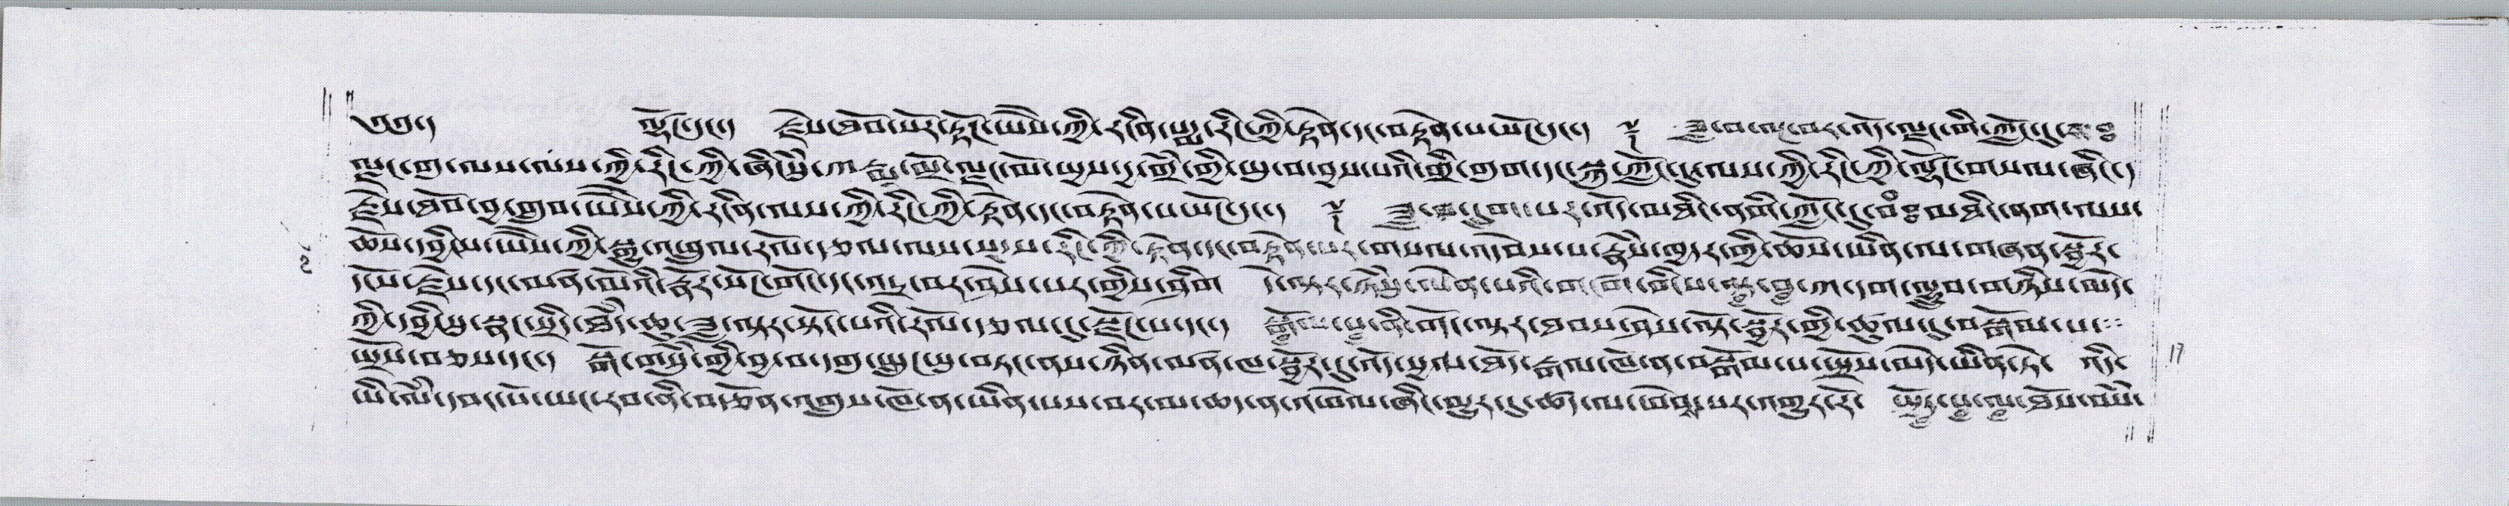ལྷ་ཚོགས་དང་། རྗེས་ཐོབ་སོར་རྟོགས་ཡེ་ཤེས་ཀྱི་རང་བཞིན་པདྨ་རིགས་ཀྱི་རྟེན་དང་བརྟེན་པ་སོགས་དང་། ༧ ཟླ་བ་ལྔ་པར་འོད་ལྗང་གི་ཀློང་དུ་སཿ
ལྗང་གུ་ལས་ལས་ཀྱི་རིགས་ཀྱི་ཞིང་ཁམས་སུ་ཀརྨ་མཁའ་འགྲོ་ལྗང་མོ་གཡས་རྒྱ་གྲམ་གྱི་ཡུ་བ་བྱས་པའི་གྲི་གུག་དང་སྐུ་ཀློང་དུ་ལས་ཀྱི་རིགས་ཀྱི་ལྷ་ཚོགས་གསལ་ཞིང་
རྗེས་ཐོབ་བྱ་གྲུབ་ཡེ་ཤེས་ཀྱི་རང་བཞིན་ལས་ཀྱི་རིགས་ཀྱི་རྟེན་དང་བརྟེན་པ་སོགས་དང་། ༧ ཟླ་བ་དྲུག་པར་འོད་མཐིང་ནག་གི་ཀློང་དུ་བཾཿམཐིང་ནག་ལས་
ཆོས་དབྱིངས་ཡེ་ཤེས་ཀྱི་སྒྱུ་འཕྲུལ་རོལ་རྩལ་ལས་སངས་རྒྱས་རིགས་ཀྱི་རྟེན་དང་བརྟེན་པར་གསལ་འདེབས་པ་རྣམས་ཁྱད་པར་གྱི་ཆོས་ཡིན་ལ་གཞན་སྦྱོར་
དངོས་རྗེས་དང་མཚན་མོའི་རྣལ་འབྱོར་སོགས་གོང་དང་འདྲ་བར་ཤེས་པར་གྱིས་ཤིག དེ་ལྟར་ཉམས་སུ་ལེན་པའི་གང་ཟག་གིས་ལྟ་བ་ཀ་དག་ལྷུན་གྲུབ་གཉིས་མེད་
ཀྱི་དབྱིངས་སུ་སྣང་སྲིད་ཐམས་ཅད་ཆུ་ཟླ་ལྟར་སྟོང་པའི་རོལ་རྩལ་དུ་རྫོགས་པ་དང་། སྒོམ་པ་ནི་གོང་ལྟར་ཐབས་ཤེས་ལྟོ་སྦྱོར་གྱི་ཚུལ་དུ་བསྒོམ་པ་
སྤྲོས་བཅས་དང་། སྒོ་གསུམ་གྱི་བྱ་དགུ་སྤྲུགས་སུ་བཏང་ནས་ཉིན་མཚན་ཁ་སྦྱོར་དུ་འོད་གསལ་ཐོད་རྒལ་ཁོ་ན་བསྒོམ་པ་སྤྲོས་མེད་ཡིན་ཏེ། འདི་
ཡི་ལམ་དབང་པོ་ཡང་རབ་ནི་བརྩོན་འགྲུས་ཁོ་ན་ཡིན་པས་བར་མ་ཆད་ན་འཕེལ་ཞིང་མྱུར་དུ་ཚད་ལ་ཕེབས་པར་འགྱུར་རོ། སྤྱོད་པ་ལ་ཐོས་བསམ་